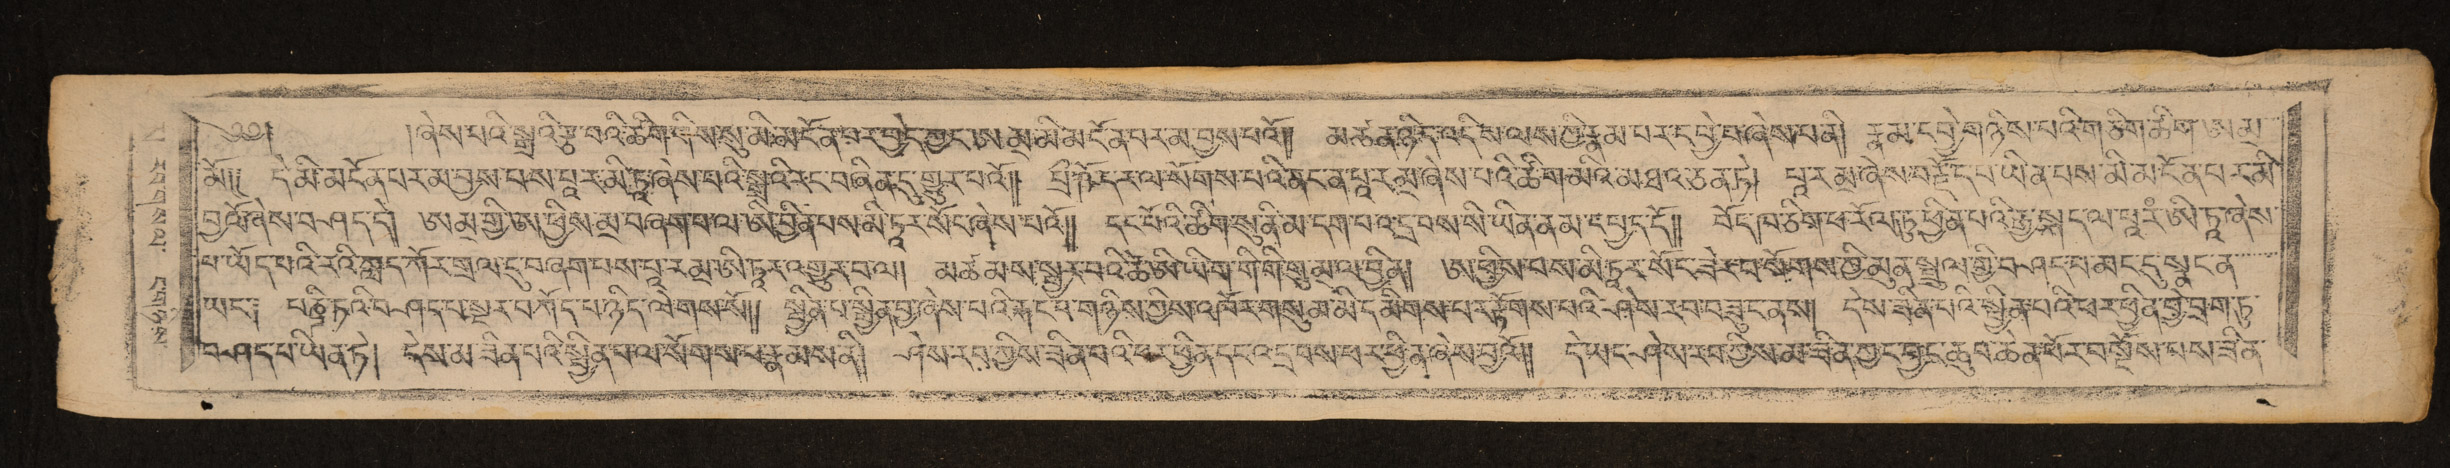༄༅། །ཞེས་པའི་སྒྲའི་རྩ་བའི་ཚིག་གིས་སུ་མི་མངོན་པར་བྱེད་ཀྱང་ཨ་མྲ་མི་མངོན་པར་མ་བྱས་པའོ།། མཚན་ཉིད་འདིས་ལས་ཀྱི་རྣམ་པར་དབྱེ་བ་ཞེས་པ་ནི། རྣམ་དབྱེ་གཉིས་པའི་གཅིག་ཚིག་ཨ་མྲ་
མོ༑༑ དེ་མི་མངོན་པར་མ་བྱས་པས་པཱ་ར་མི་ཏཱ་ཞེས་པའི་སྒྲའི་རང་བཞིན་དུ་གྱུར་པའོ།། པྲྀ་ཥོ་ད་ར་ལ་སོགས་པའི་ནང་ན་པཱ་ར་མྲ་ཞེས་པའི་ཚིག་མའི་མཐའ་ཅན་ཏེ། པཱ་ར་མྲ་ཞེས་བརྗོད་པ་ཡིན་པས་མི་མངོན་པར་མི་
བྱའོ་ཞེས་བཤད་དེ། ཨ་མྲ་གྱི་ཨ་ཕྱིས་མྲ་བཞག་པ་ལ་ཨི་བྱིན་པས་མི་ཏཱར་སོང་ཞེས་པའོ།། དང་པོའི་ཚིག་སུ་ནི་མ་དག་པ་འདྲ་བས་སི་ཡིན་ནམ་དཔྱད་དོ།། བོད་ཁ་ཅིག་ཕ་རོལ་ཏུ་ཕྱིན་པའི་རྒྱ་སྐད་ལ་པཱ་རཾ་ཨི་ཏཱ་ཞེས་
པ་ཡོད་པའི་རའི་ཀླད་ཀོར་གྲལ་དུ་བཞག་པས་པཱ་ར་མྲ་ཨི་ཏཱར་འགྱུར་བ་ལ། མཚམས་སྦྱར་བའི་ཚེ་ཨི་ཡིག་གི་གི་གུ་མྲ་ལ་བྱིན། ཨ་ཕྱིས་པས་མི་ཏཱར་སོང་ཟེར་བ་སོགས་ཀྱི་མུན་སྤྲུལ་གྱི་བཤད་པ་མང་དུ་སྣང་ན་
ཡང༑ པཎྜི་ཏའི་བཤད་པ་སྔར་བཀོད་པ་ཉིད་ལེགས་སོ།། སྦྱིན་པ་སྦྱིན་བྱ་ཞེས་པའི་རྐང་པ་གཉིས་ཀྱིས་འཁོར་གསུམ་མི་དམིགས་པར་རྟོགས་པའི་ཤེས་རབ་བཟུང་ནས། དེས་ཟིན་པའི་སྦྱིན་པའི་ཕར་ཕྱིན་བྱེ་བྲག་ཏུ་
བཤད་པ་ཡིན་ཏེ། དེས་མ་ཟིན་པའི་སྦྱིན་པ་ལ་སོགས་པ་རྣམས་ནི། ཤེས་རབ་ཀྱིས་ཟིན་པའི་ཕར་ཕྱིན་དང་འདྲ་བས་ཕར་ཕྱིན་ཞེས་བྱའོ།། དེ་ཡང་ཤེས་རབ་ཀྱིས་མ་ཟིན་ཀྱང་བྱང་ཆུབ་ཆེན་པོར་བསྔོས་པས་ཟིན་